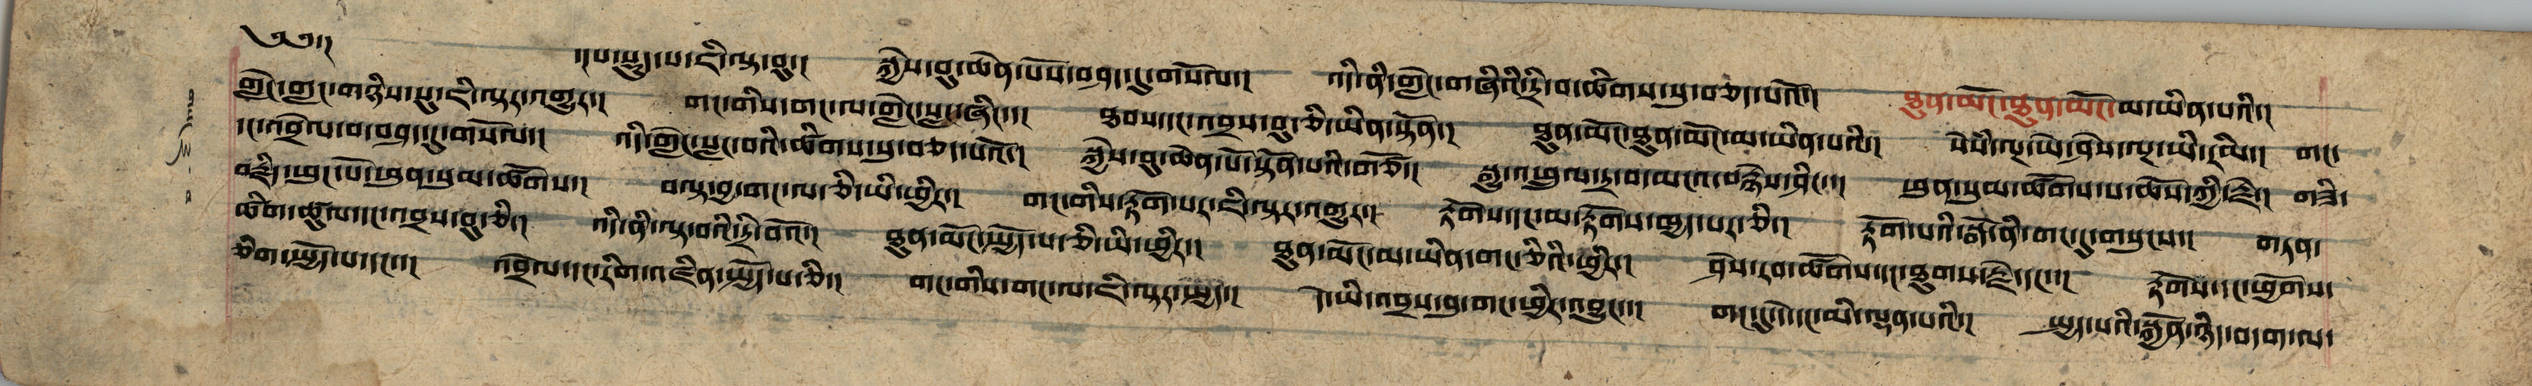༄༅་། ་།པ་སྡུད་པ་ཇི་ལྟ་བུ་། སྐྱེས་བུ་ཆེན་པོས་བཤད་དུ་གསོལ་། འདི་ནི་གླེང་གཞིའི་དྲི་བ་ཚིགས་སུ་བཅད་པའོ་། ཐུན་མོང་ཐུན་མོང་མ་ཡིན་པའི་།
གླེང་གླང་གཉིས་སུ་ཇི་ལྟར་འགྱུར་། གང་གིས་གང་ལ་གླེང་སླང་ཞིང་་། ཐབས་དང་འབྲས་བུ་ཅི་ཡིན་སྟོན་། ཐུན་མོང་ཐུན་མོང་མ་ཡིན་པའི་། སེཾས་ལྔ་ཡེ་ཤེས་ལྔ་ཡི་རིམ་། གང་
དང་འབྲེལ་བ་བཤད་དུ་གསོལ་། འདི་གླེང་སླང་བའི་ཚིགས་སུ་བཅད་པའོ་། སྐྱེས་བུ་ཆེན་པོ་སྟོན་པའི་གཙོ་། སྒྱུ་འཕྲུལ་དྲ་བ་མངའ་བརྙེས་ཤིང་་། ཕུན་སུམ་ཚོགས་པ་ཆོས་ཀྱི་རྗེ་། གཟི་
བརྗིད་ཕུང་པོ་ཕུན་སུམ་ཚོགས་། བལྟ་བྱ་གང་ལ་ཅི་ཡི་ཕྱིར་། གང་གིས་རྟོག་པར་ཇི་ལྟར་འགྱུར་། རྟོགས་དང་མ་རྟོགས་ཁྱད་པར་ཅི་། རྟོག་པའི་སྒོ་ནི་གང་དུ་གསུངས་། གཏན་
ཚིག་ཚུལ་དང་འབྲས་བུ་ཅི་། འདི་ནི་ལྟ་བའི་དྲི་བའོ་། ཐུན་མོང་སྤྱོད་པ་ཅི་ཡི་ཕྱིར་། ཐུན་མོང་མ་ཡིན་གང་ཅིའི་ཕྱིར་། ཤེས་རབ་ཚོགས་དང་ཐུགས་རྗེ་དང་་། རྟོགས་དང་ཕྱོགས་
ཅིག་སྤྱོད་པ་དང་་། འབྲེལ་དང་རིག་འཛིན་སྤྱོད་པ་ཅི་། གང་གིས་གང་ལ་ཇི་ལྟར་སྤྱད་། དེ་ཡི་འབྲས་བུ་གང་ཕྱིར་འབྱུང་་། གང་དུ་དེ་དང་མི་ལྡན་པའི་། སྤྱད་པའི་སྐྱོན་ཉིད་བདག་ལ་